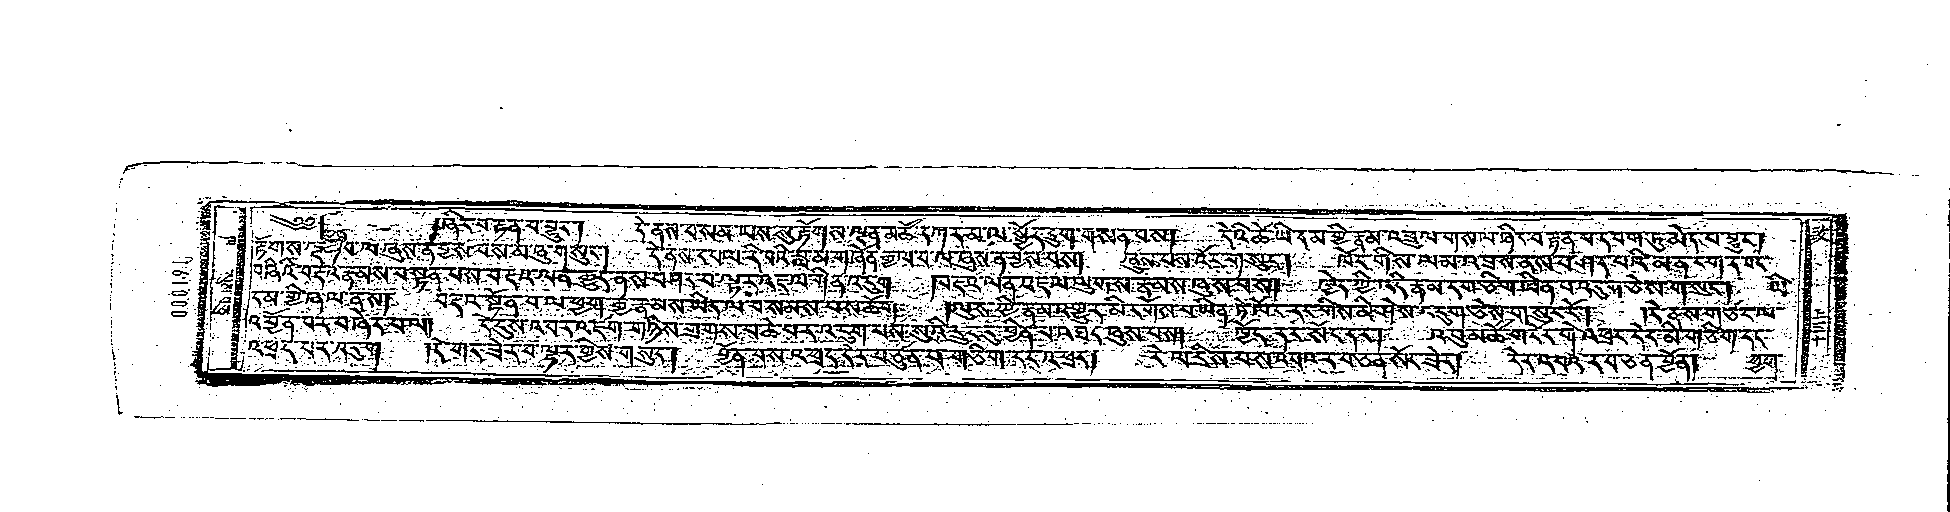༄༅། །ཞིང་བརྟན་བ་བྱུང་། དེ་ནས་བསམ་ཡས་སུ་རྟོགས་ལྡན་མཚོ་དཀར་མ་ལ་སྦྱོར་དྲུག་གསན་བས། དེའི་ཚེ་ཡི་དམ་གྱི་རྣམ་འཕྲུལ་གསལ་ཞིང་བརྟན་པ་དཔག་ཏུ་མེད་པ་བྱུང་།
རྟོགས་ལྡན་པ་ལ་ཞུས་ན་བྱས་པས་མ་ཞུ་གསུང་། དེ་ནས་དཔལ་རི་བའི་བླ་མ་གཞོན་རྒྱལ་བ་ལ་ཞུས་ན་བྱས་པས། ཞུས་པས་འོང་གསུང་། ཁོང་གིས་ལམ་འབྲས་ནས་བཤད་པའི་མན་ངག་དབང་
བཞིའི་བརྡའ་རྣམས་བསྟན་པས་བརྡའ་ལན་རྒྱུད་ནས་བཤད་པ་ལྟར་འཇལ་གིན་འདུག །བརྡའ་ལན་འཇལ་ལུགས་རྣམས་ཞུས་བས། ཁྱེད་ཀྱི་འདི་རྣམ་དག་ཅིག་ཡིན་པ་འདུག་ཅེས་གསུང་། ཡི་
དམ་གྱི་ཞལ་ནས། བརྡའ་སྟོན་པ་ལ་ཕྱག་རྒྱ་རྣམས་ཡིད་ལ་བསམས་པས་ཆོག །ལུས་ཀྱི་རྣམ་འགྱུར་མི་དགོས་པ་ཡིན་ཏེ་ཁོང་རང་གིས་མི་ཤེས་འདུག་ཅེས་གསུང་ངོ། །དེ་ནས་གཙང་ལ་
འབྱོན་པར་བཞེད་པ་ལ། དེ་དུས་འབར་འཛག་གཉིས་གྲགས་པ་ཆེ་པར་འདུག་པས་སུའི་དྲུང་དུ་ཕྱིན་པ་འཐད་ཞུས་པས། ཁྱོད་རང་སོང་དང་། འབུ་མཚོ་གདོང་གེ་འཕྲད་དེར་མི་གཅིག་དང་
འཕྲད་པར་འདུག །དེ་གང་ཟེར་བ་ལྟར་གྱིས་གསུང་། བྱོན་བས་འཕྲད་དེར་བཙུན་བ་གཅིག་དང་འཕྲད། དེ་ལ་དྲིས་པས་འབའ་ར་བ་ཅན་སོང་ཟེར། དེར་འབའ་ར་བ་ཙ་ན་བྱོན། ཕྱག་